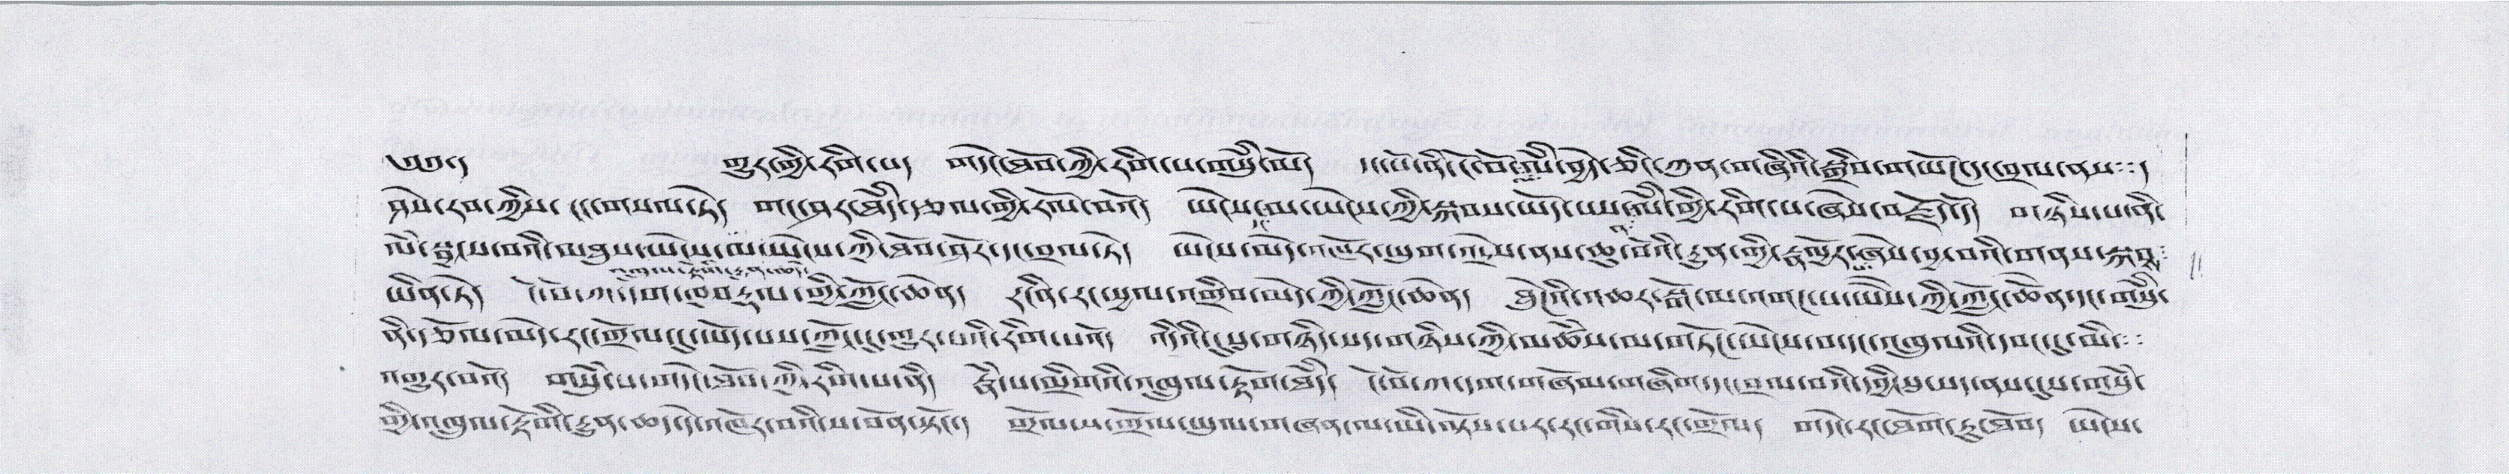གྱུར་གྱི་རིག་པ། གདེང་ཐོབ་ཀྱི་རིག་པ་གསུམ་མོ། དང་པོ་ནི་ངོ་བོ་ལ་ལམ་བྱེད་ཅིང་ཀུན་གཞིའི་སྒྲིབ་གཡོགས་དང་བྲལ་ནས་
ཤེས་རབ་ཀྱིས་ངང་གསལ་ཏེ། གང་ཤར་ཐམས་ཅད་རྩལ་གྱི་རོལ་བའོ། ཡེངས་དང་མ་ཡེངས་ཀྱི་སྐབས་ཡོད་པས་ན་ལམ་གྱི་རིག་པ་ཞེས་བརྗོད་དོ། གཉིས་པ་ནི། 
ལམ་སྦྱངས་བའི་མཐུས་ཡེངས་མ་ཡེངས་ཀྱི་ཐོབ་ཤོར་དང་བྲལ་ཏེ། ཡེངས་མེད་འཁོར་ཡུག་འདྲེས་ནས་ཆུ་བོའི་རྒྱུན་གྱི་རྣལ་འབྱོར་པ་ཞེས་བྱ་བའི་གནས་སྐབས་
ཡིན་ཏེ། ངོ་བོ་ཀ་དག་ཁྱབ་བརྡལ་གྱི་ཀློང་ཆེན། རང་བཞིན་རང་གསལ་འགྲིབ་མེད་ཀྱི་ཀློང་ཆེན། ཐུགས་རྗེའི་འཆར་སྒོ་མ་འགགས་པ་ཡེ་ཤེས་ཀྱི་ཀློང་ཆེན་པོ་དང་གསུམ་
ནི་རྩོལ་མེད་རང་གྲོལ་དུ་ཡོད་པས་ཀློང་དུ་གྱུར་པའི་རིག་པའོ། འདིའི་དུས་སུ་གཉིད་སད་གཉིས་ཀྱི་མཚམས་ལ་གཏོགས་ཡེངས་བ་དང་འཁྲུལ་པའི་དབང་དུ་མི་
འགྱུར་བའོ། གསུམ་པ་གདེང་ཐོབ་ཀྱི་རིག་པ་ནི། རྣམ་པ་མ་རིག་པའི་འཁྲུལ་རྟོག་ཐམས་ཅད། ངོ་བོ་ཀ་དག་གཞོམ་གཞིག་དང་བྲལ་བའི་དབྱིངས་སུ་སད་ནས་དུས་གསུམ་
གྱི་འཁྲུལ་རྟོག་གི་རྒྱུན་ཆད་དེ་འཁོར་བའི་ས་བོན་སྟོང། གྲོལ་ས་གྲོལ་ཡུལ་གཞན་ལ་ཡི་ལྟོས་པར་རང་གིས་རང་གྲོལ། གདེང་རང་ཐོག་ཏུ་ཐོབ། ཡེངས་